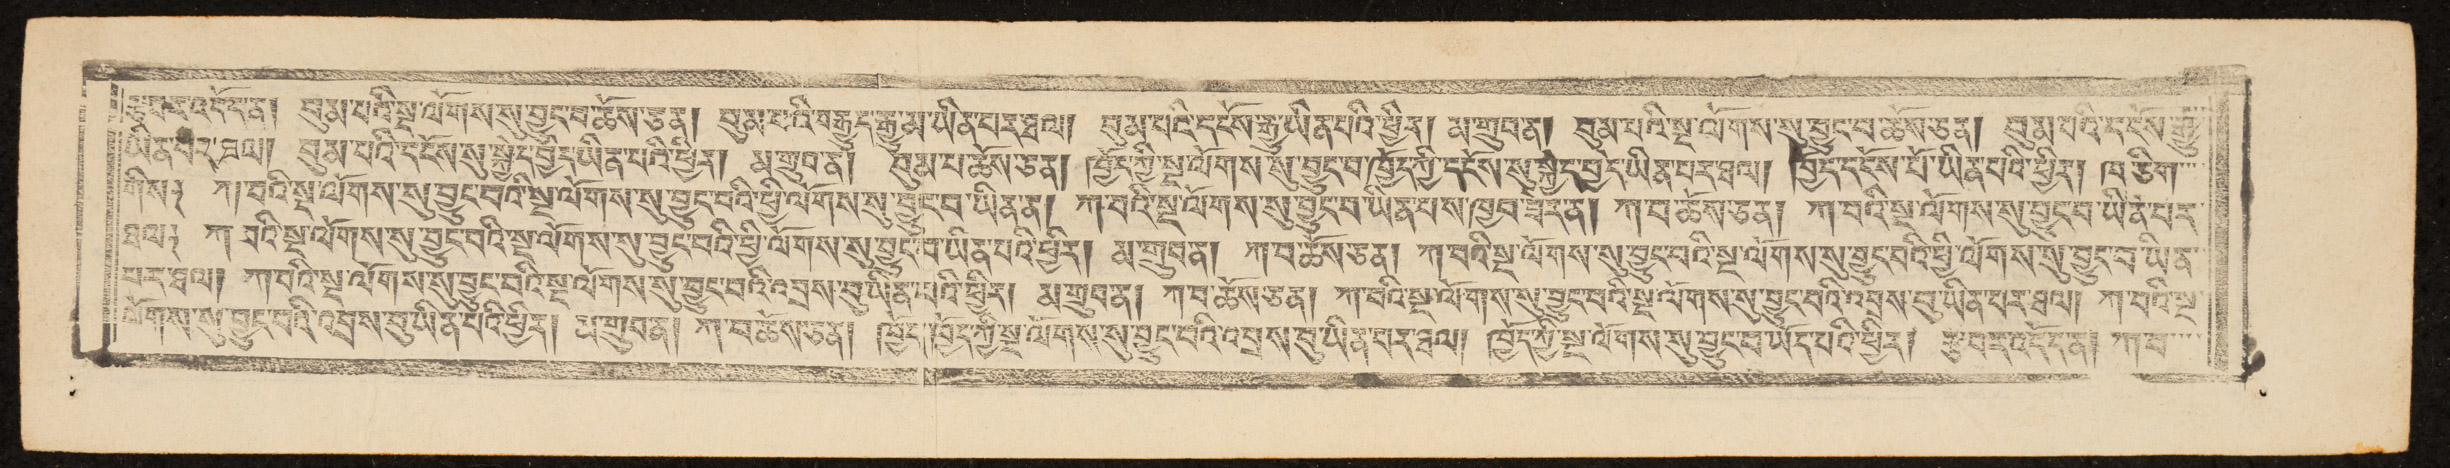རྩ་བར་འདོད་ན། བུམ་པའི་སྔ་ལོགས་སུ་བྱུང་བ་ཆོས་ཅན། བུམ་པའི་བརྒྱུད་རྒྱུ་མ་ཡིན་པར་ཐལ། བུམ་པའི་དངོས་རྒྱུ་ཡིན་པའི་ཕྱིར། མ་གྲུབ་ན། བུམ་པའི་སྔ་ལོགས་སུ་བྱུང་བ་ཆོས་ཅན། བུམ་པའི་དངོས་རྒྱུ་
ཡིན་པར་ཐལ། བུམ་པའི་དངོས་སུ་སྐྱེད་བྱེད་ཡིན་པའི་ཕྱིར། མ་གྲུབ་ན། བུམ་པ་ཆོས་ཅན། ཁྱོད་ཀྱི་སྔ་ལོགས་སུ་བྱུང་བ་ཁྱོད་ཀྱི་དངོས་སུ་སྐྱེད་བྱེད་ཡིན་པར་ཐལ། ཁྱོད་དངོས་པོ་ཡིན་པའི་ཕྱིར། ཁ་ཅིག་
གིས། ཀ་བའི་སྔ་ལོགས་སུ་བྱུང་བའི་སྔ་ལོགས་སུ་བྱུང་བའི་ཕྱི་ལོགས་སུ་བྱུང་བ་ཡིན་ན། ཀ་བའི་སྔ་ལོགས་སུ་བྱུང་བ་ཡིན་པས་ཁྱབ་ཟེར་ན། ཀ་བ་ཆོས་ཅན། ཀ་བའི་སྔ་ལོགས་སུ་བྱུང་བ་ཡིན་པར་
ཐལ། ཀ་བའི་སྔ་ལོགས་སུ་བྱུང་བའི་སྔ་ལོགས་སུ་བྱུང་བའི་ཕྱི་ལོགས་སུ་བྱུང་བ་ཡིན་པའི་ཕྱིར། མ་གྲུབ་ན། ཀ་བ་ཆོས་ཅན། ཀ་བའི་སྔ་ལོགས་སུ་བྱུང་བའི་སྔ་ལོགས་སུ་བྱུང་བའི་ཕྱི་ལོགས་སུ་བྱུང་བ་ཡིན་
པར་ཐལ། ཀ་བའི་སྔ་ལོགས་སུ་བྱུང་བའི་སྔ་ལོགས་སུ་བྱུང་བའི་འབྲས་བུ་ཡིན་པའི་ཕྱིར། མ་གྲུབ་ན། ཀ་བ་ཆོས་ཅན། ཀ་བའི་སྔ་ལོགས་སུ་བྱུང་བའི་སྔ་ལོགས་སུ་བྱུང་བའི་འབྲས་བུ་ཡིན་པར་ཐལ། ཀ་བའི་སྔ་
ལོགས་སུ་བྱུང་བའི་འབྲས་བུ་ཡིན་པའི་ཕྱིར། མ་གྲུབ་ན། ཀ་བ་ཆོས་ཅན། ཁྱོད་ཁྱོད་ཀྱི་སྔ་ལོགས་སུ་བྱུང་བའི་འབྲས་བུ་ཡིན་པར་ཐལ། ཁྱོད་ཀྱི་སྔ་ལོགས་སུ་བྱུང་བ་ཡོད་པའི་ཕྱིར། རྩ་བར་འདོད་ན། ཀ་བ་